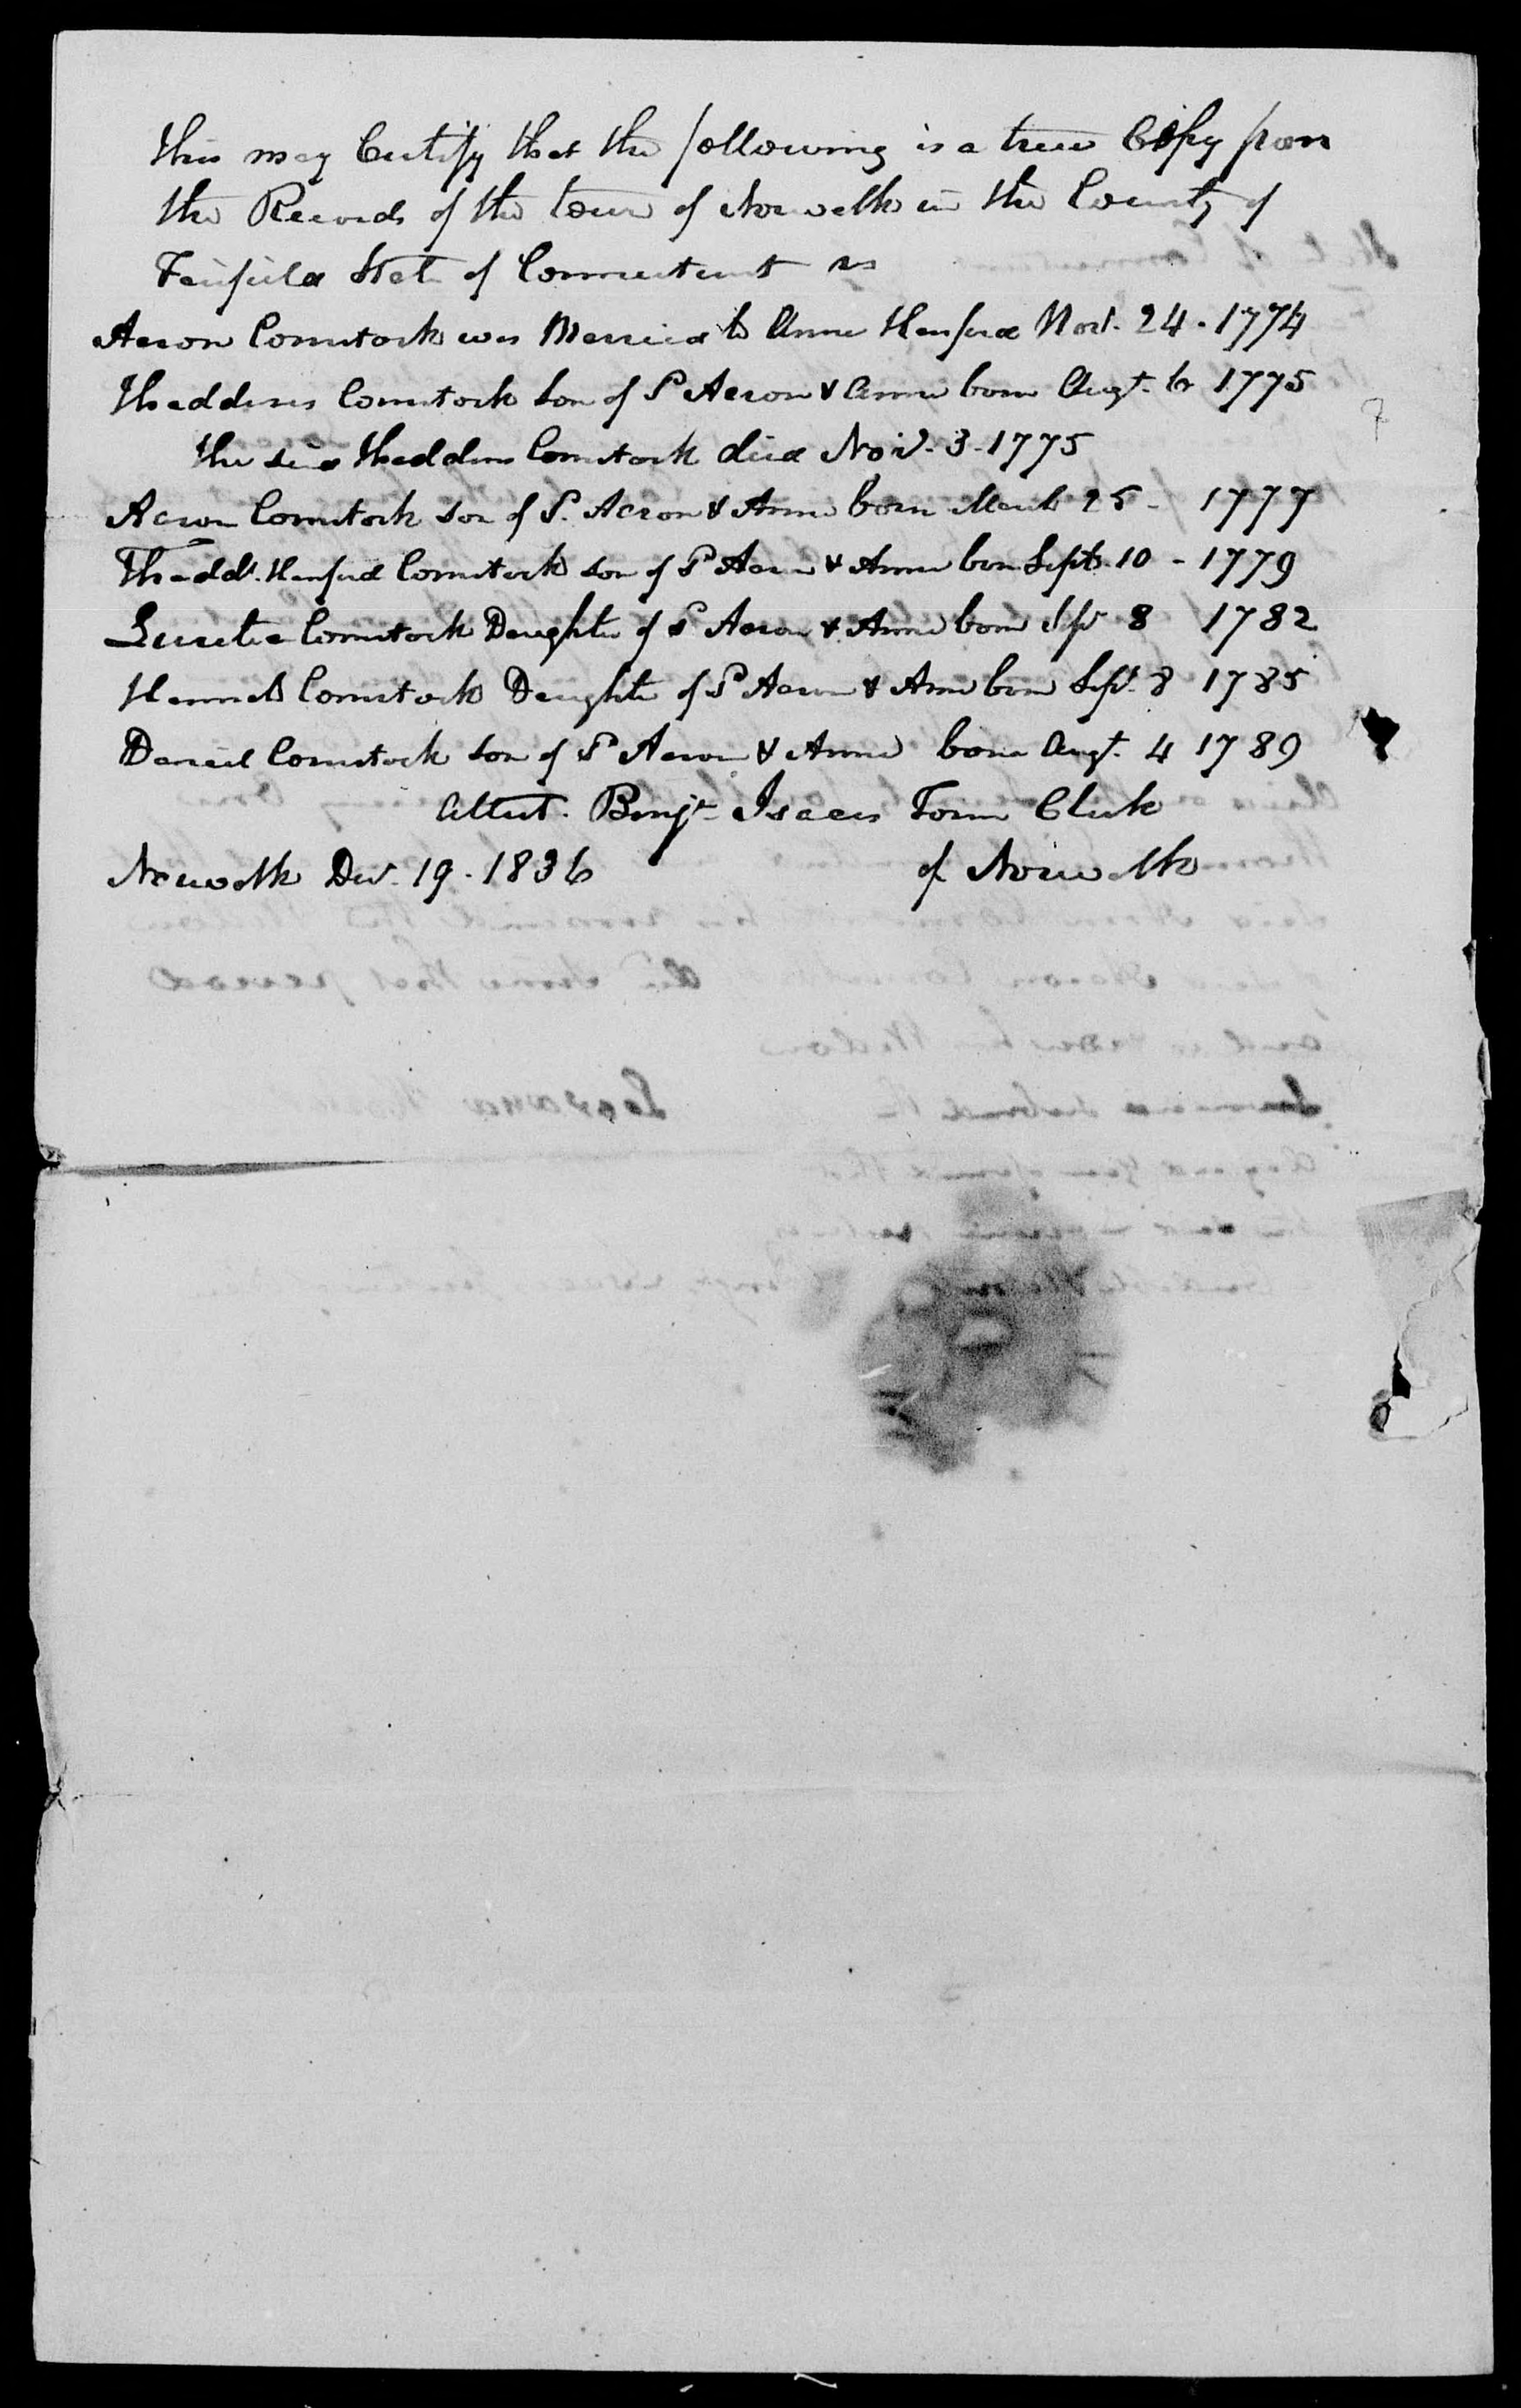this may Certify that the following is a true Copy from the Record of the town of Norwalk in the County of Fairfield State of Connecticut ss
Aaron Comstock was Married to Anne Hanford Nov. 24. 1774
Thaddeus Comstock son of sd Aaron & Anne born Augt. 6 1775
The said Thaddeus Comstock died Nov. 3. 1775
Aaron Comstock son of Aaron & Anne born March 25. 1777
Thadds. Hanford Comstock son of sd Aaron & Anne born Sept. 10 - 1779
Lucretia Comstock Daughter of sd Aaron & Anne born Sept 8 1782
Hannah Comstock Daughter of sd Aaron & Anne born Sept. 8 1785
Daniel Comstock son of sd Aaron & Anne born Augt. 4 1789
attest Benjn Isaacs Town Clerk
Norwalk Decr. 19. 1836  of Norwalk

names: Lucretia Comstock, Aaron, Benjn Isaacs, Ame, Anne, Aaron, Anne Hanford, Aaron Comstock, Aaron, Anne, Aaron, Thadds Hanford Comstock, Anne, Aaron Comstock, Aaron, Anne, Thaddeus Comstock, Daniel Comstock, Hannah Comstock, Anne, Thaddeus Comstock, Aaron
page: 41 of 43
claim: widow's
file: W. 17,647, Aaron Comstock, Conn.